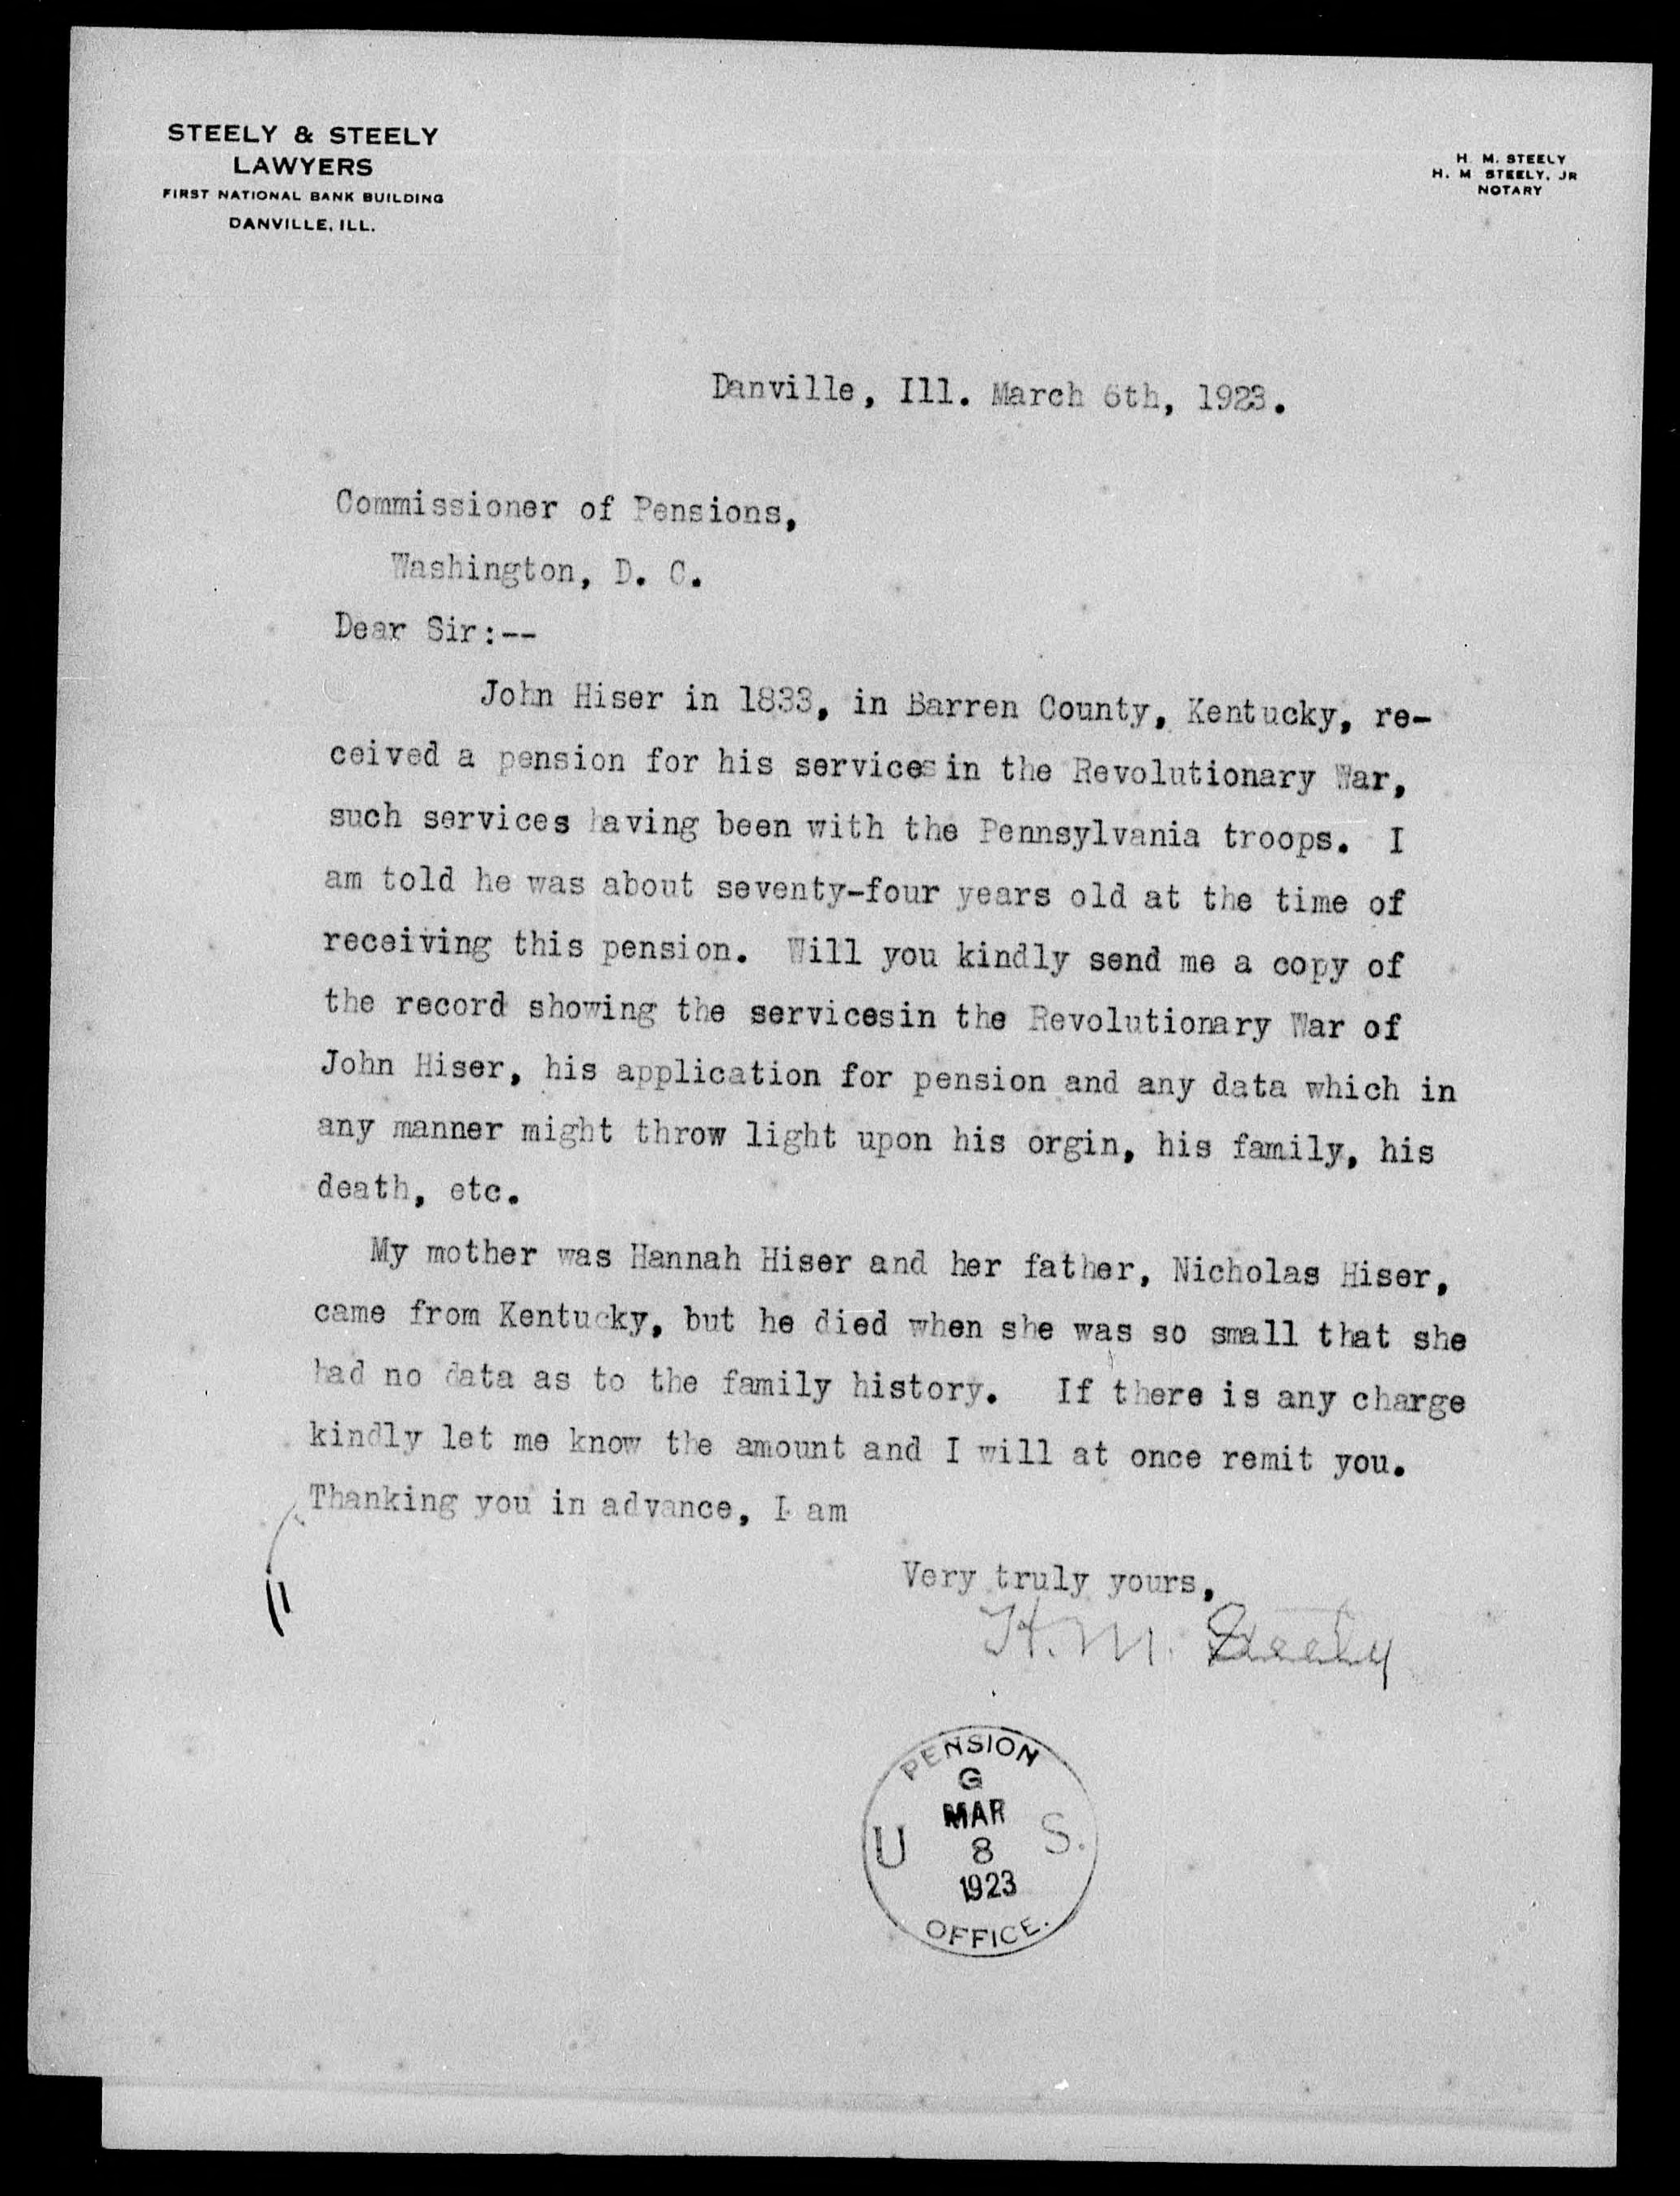STEELY & STEELY        |                                H.M. STEELY
LAWYERS                    |                           H.M. STEELY, JR
FIRST NATIONAL BANK BUILDING |               NOTARY
DANVILLE, ILL.

Danville, Ill. March 6th, 1923.

Commissioner of Pensions, 
   Washington, D. C.

Dear Sir: --
     John Hiser in 1833, in Barren County, Kentucky, received a pension for his service in the Revolutionary War, such services having been with the Pennsylvania troops.  I am told he was about seventy-four years old at the time of receiving this pension.  Will you kindly send me a copy of the record showing the services in the Revolutionary War of John Hiser, his application for pension and any data which in any manner might throw light upon his orgin[sic], his family, his death, etc.
   My mother was Hannah Hiser and her father, Nicholas Hiser, came from Kentucky, but he died when she was so small that she had no dataa s to the family history.  If there is any charge kindly let me know the amount and I will at once remit you.
Thanking you in advance, I am 

Very truly yours,
{signature] H. M. Steely
[enter page stamped]
U S. PENSION |G | MAR | 8 | 1923 | OFFICE.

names: H M Steely, Steely, H M Steely, John Hiser, Steely, Hannah Hiser, John Hiser, H M Steely, Nicholas Hiser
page: 34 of 58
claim: widow's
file: W. 8932, John Hiser, Penn.